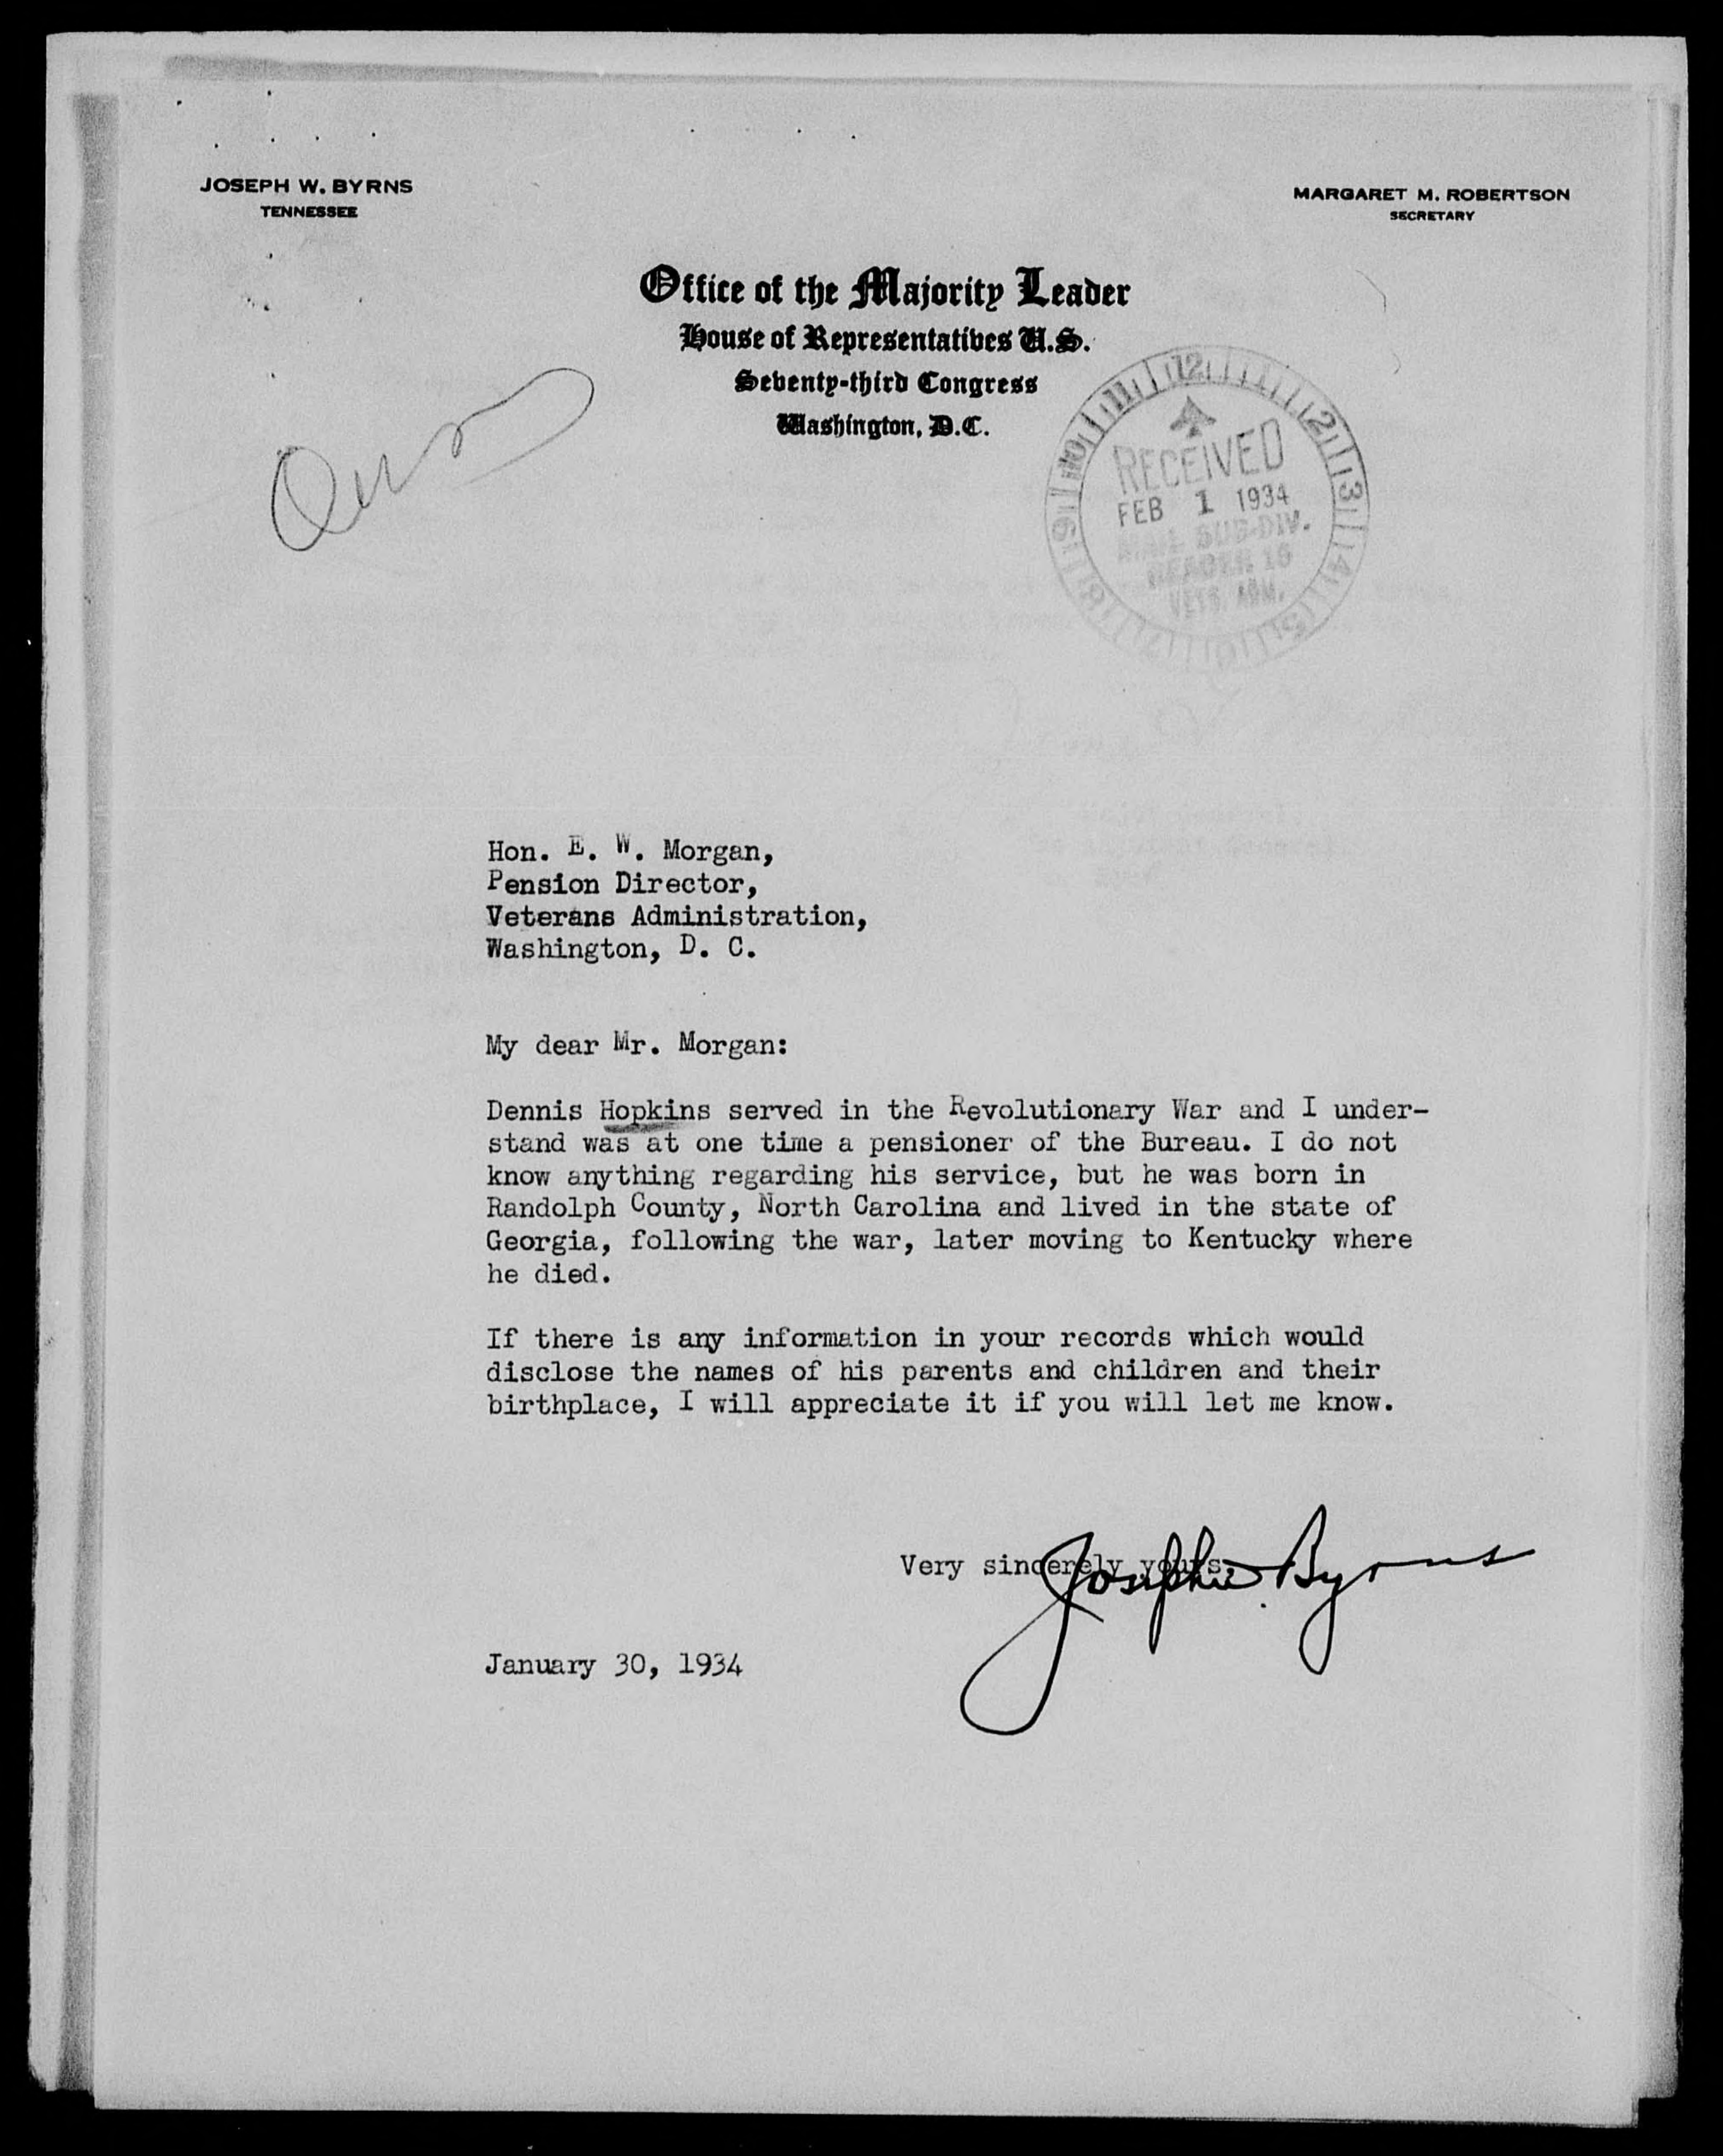JOSEPH W. BYRNS
TENNESSEE
MARGARET M. ROBERTSON
SECRETARY
Office of the Majority Leader
House of Representatives U.S.
Seventy-third Congress
Washington, D.C.
Seal postmark:
RECEIVED 
FEB 1 1934
Hon. E.W. Morgan,
Pension Director,
Veterans Administration,
Washington, D.C.
My dear Mr. Morgan:
Dennis Hopkins served in the Revolutionary War and I understand was at one time a pensioner of the Bureau. I do not know anything regarding his service, but he was born in Randolph County, North Carolina and lived in the state of Georgia, following the war, later moving to Kentucky where he died.
If there is any information in your records which would disclose the names of his parents and children and their birthplace, I will appreciate it if you let me know.
Very sincerely yours,
Joseph Byrns
January 30, 1934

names: Joseph W Byrns, E W Morgan, Margaret M Robertson, Dennis Hopkins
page: 53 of 144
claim: rejected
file: R. 5208, Dennis Hopkins, N.C.